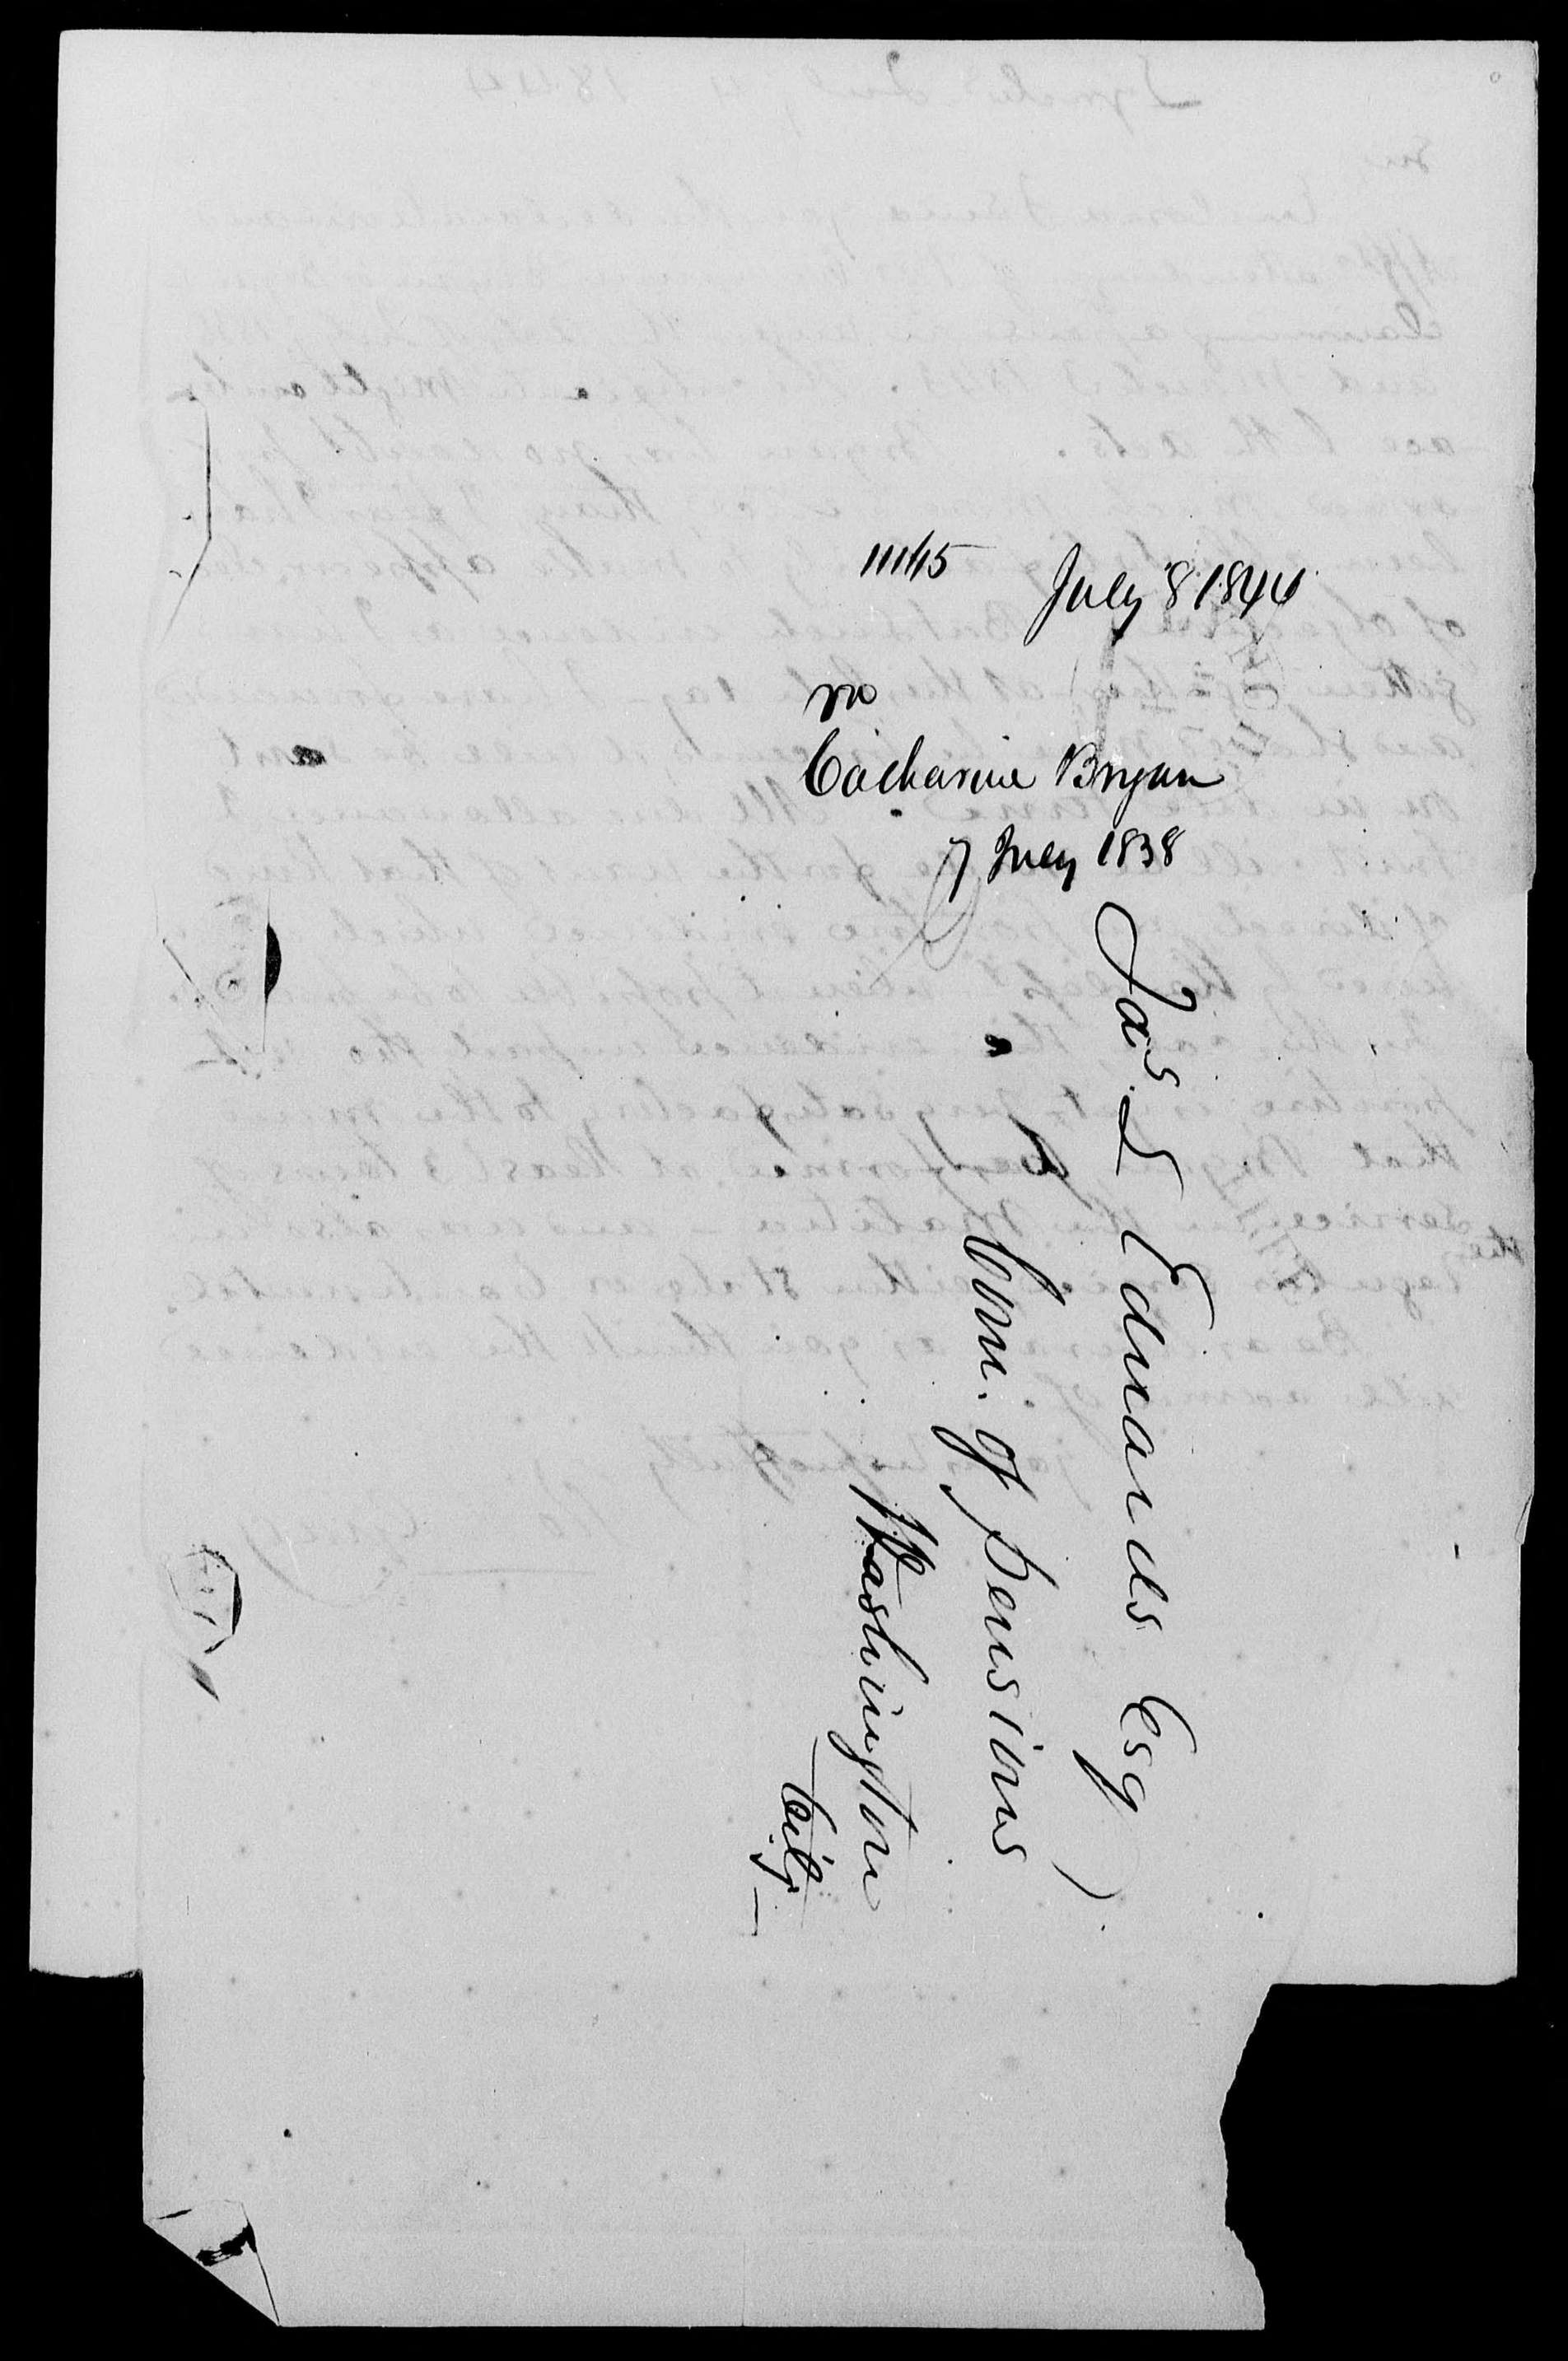11145 July 8, 1844
No. 
Catharine Bryan
7 May 1838
[sideways] Jas. L. Edwards Esq Com. of Pensions Washington City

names: Jas L Edwards, Catharine Bryan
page: 23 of 31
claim: widow's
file: W. 3759, John Bryan, Va.